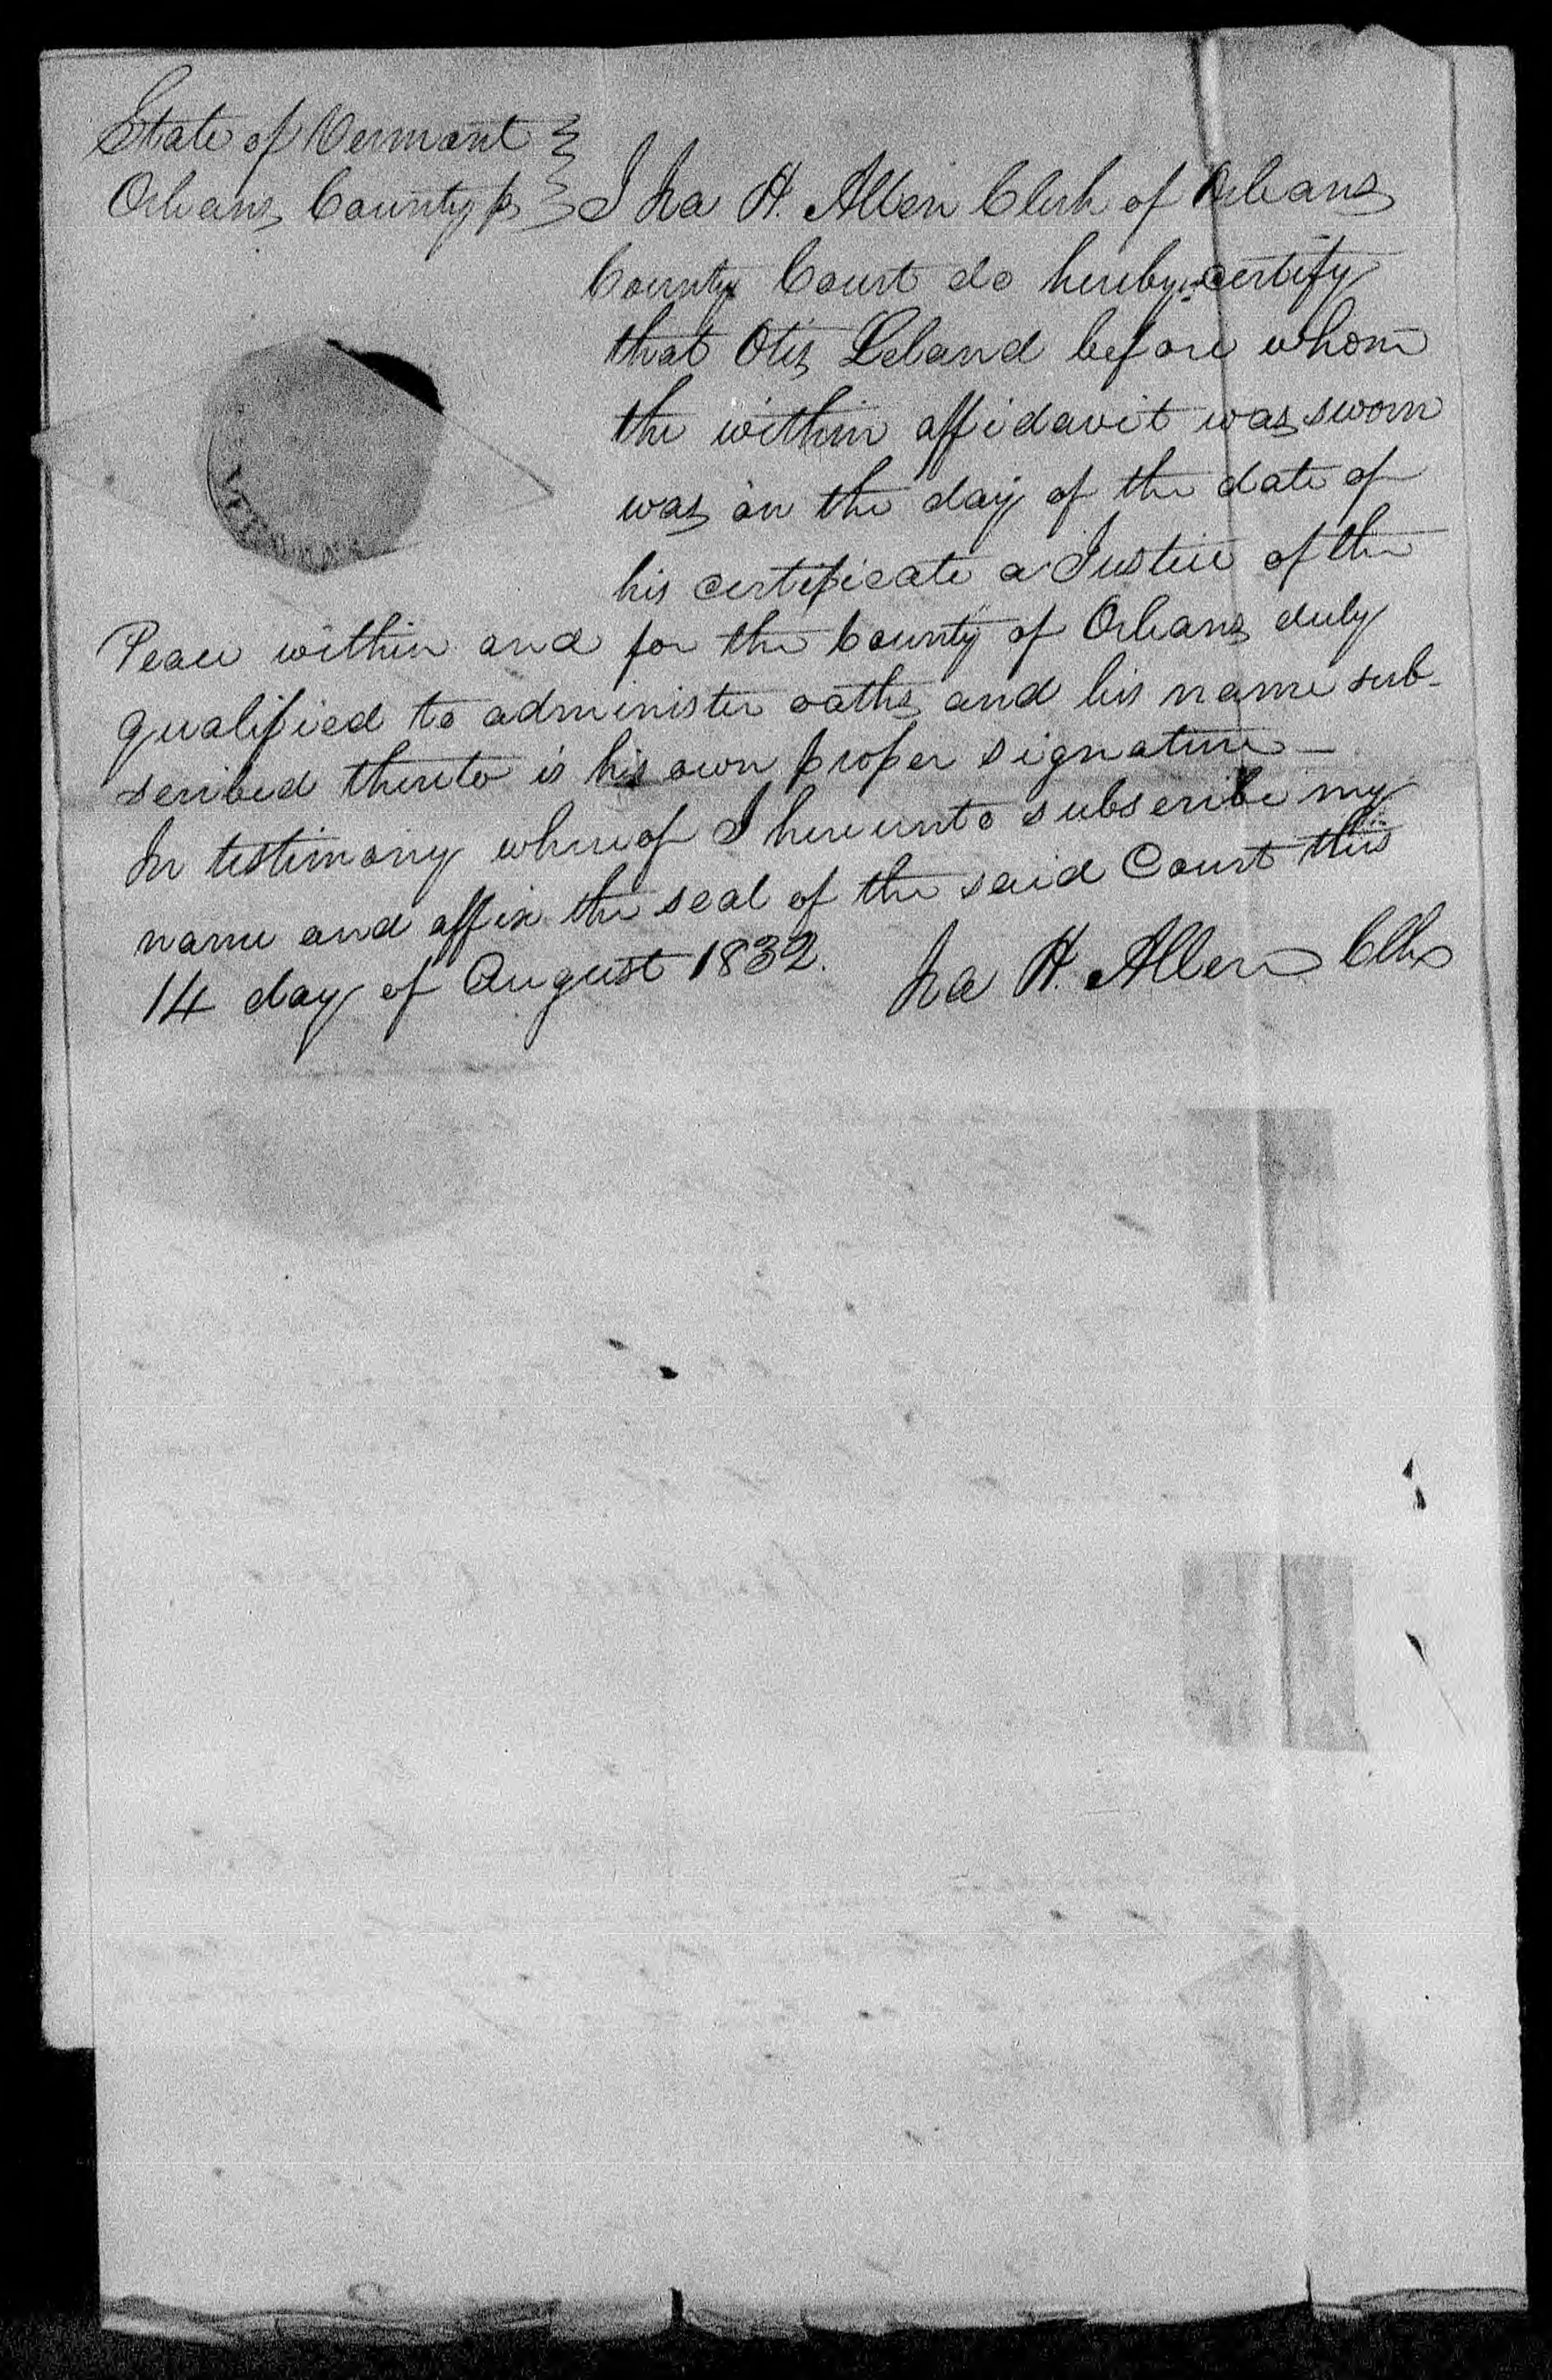State of Vermont
Orleans, County ss} I Ira H. Allen Clerk of Orleans County Court do hereby certify that Otis Leland before whom the within affidavit was sworn was on the day of the date of his certificate a Justice of the Peace within and for the County of Orleans duly qualified to administer oaths, and his name subscribed thereto is his own proper signature - 
[court seal affixed] In testimony whereof I hereunto subscribe my name and affix the seal of the said Court this 14 day of August 1832.
/s/Ira H. Allen Clk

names: Otis Leland, Ira H Allen, Ira H Allen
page: 15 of 35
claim: widow's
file: W. 20,864, Calvin Chapin, Mass. Vt.